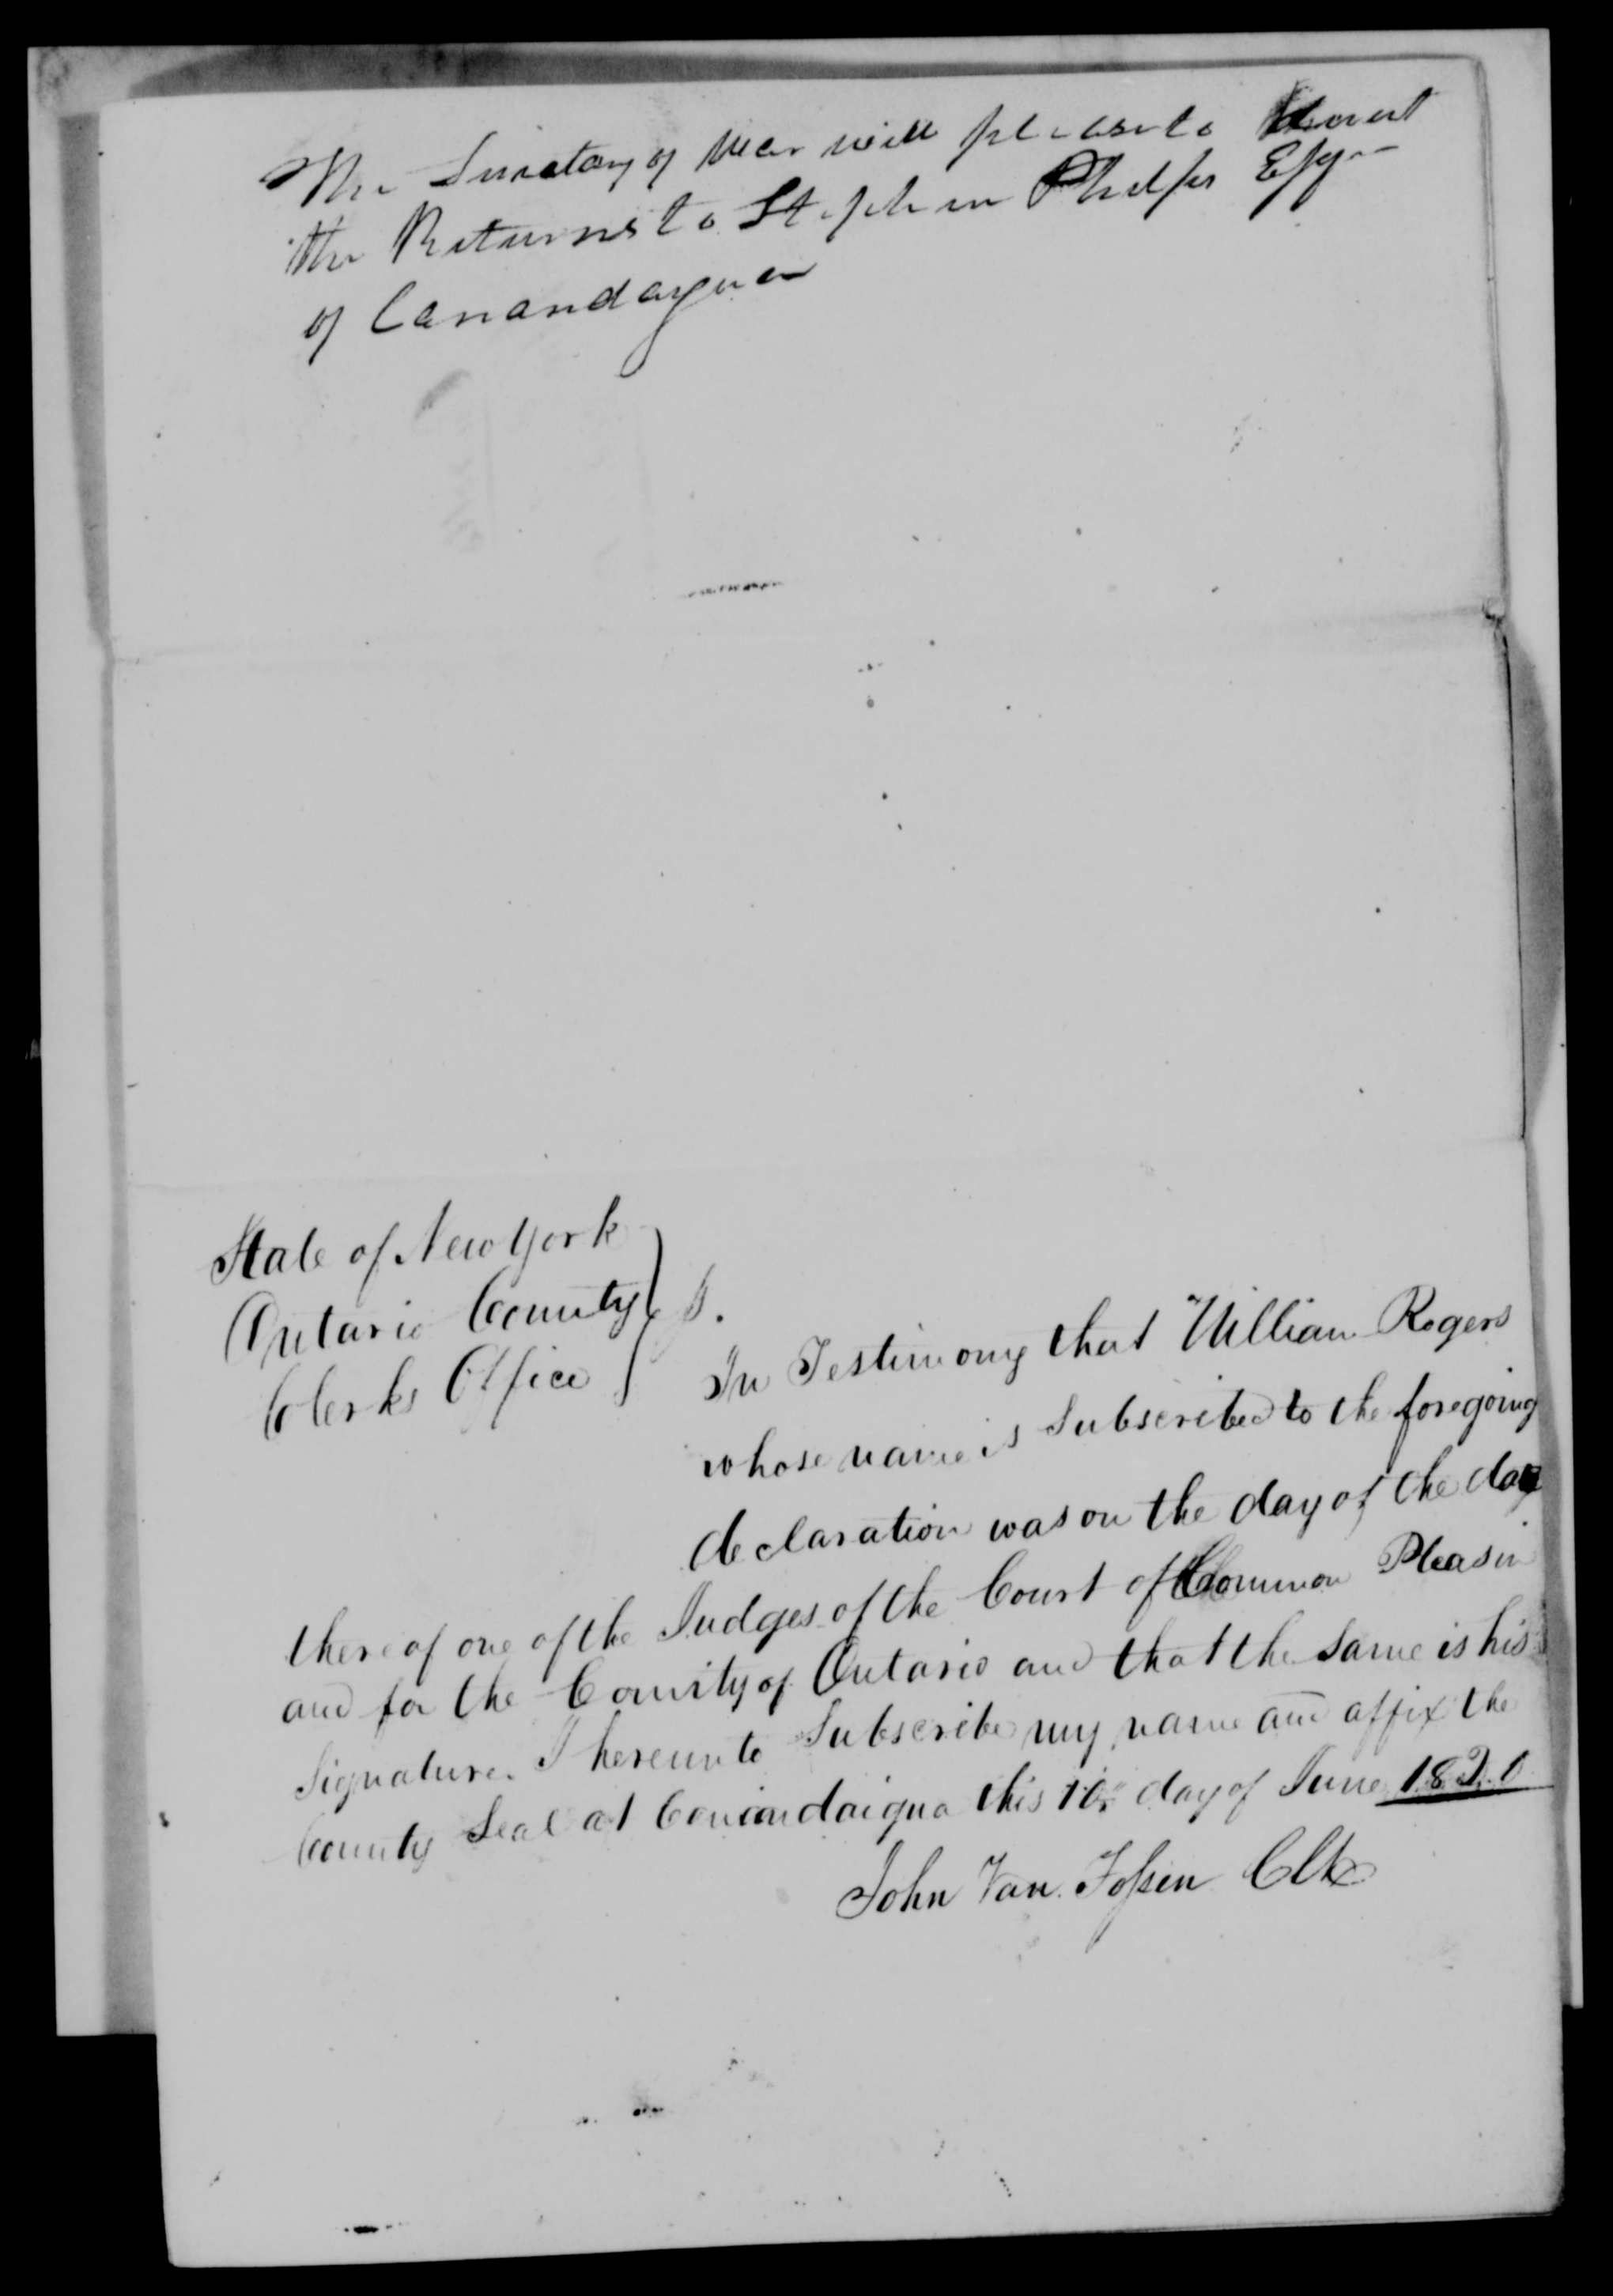The Secretary of War will please to direct the Returns to Stephen Phelps Esq. of Canandaigua

State of New York
Ontario County SS
Clerks Office
In testimony that William Rogers whose name is subscribed to the foregoing declaration was on the day of the date thereof one of the Judges of the Court of Common Pleas in and for the County of Ontario and that the same is his signature. I hereunto subscribe my name and affix the County Seal at Canandaigua this 10 day of June 1820.
John Van Fossen Clk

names: William Rogers, Stephen Phelps, John Van Fossen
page: 22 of 22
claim: survivor's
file: S. 43298, Jonas Whiting, Mass.